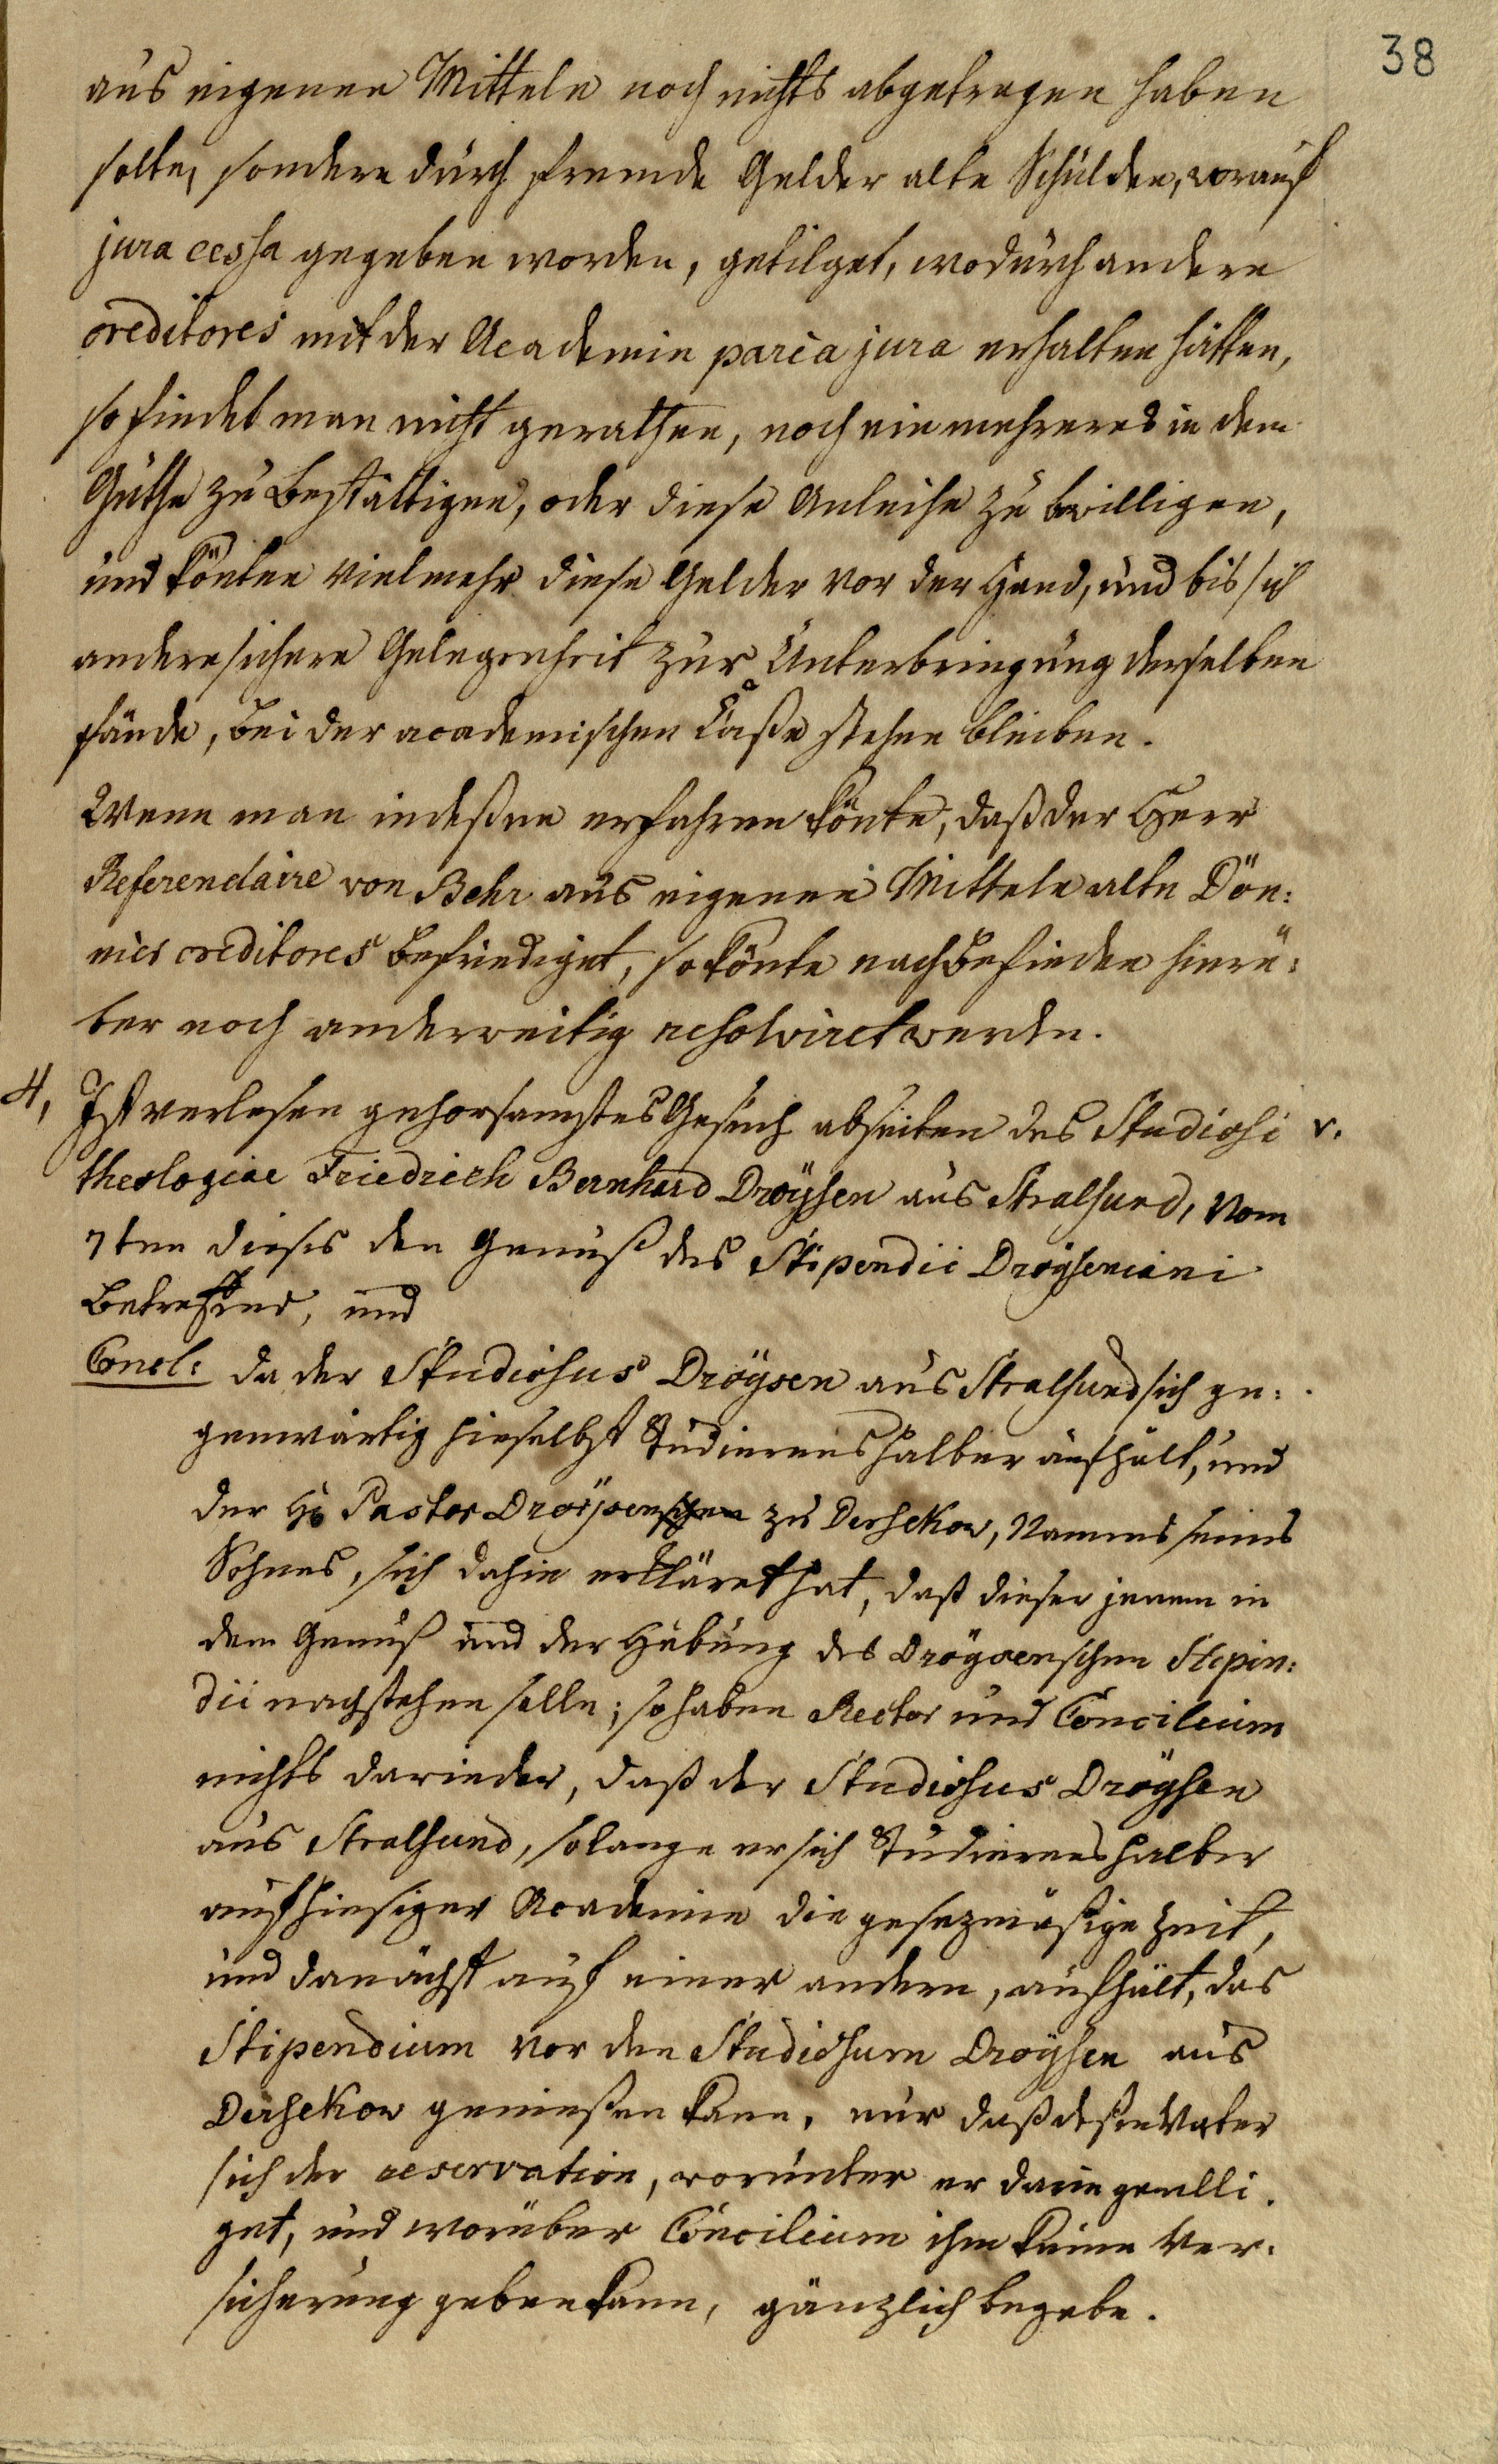aus eigenen Mitteln noch nichts abgetragen haben
solte, sondern durch fremde Gelder alte Schulden, worauf
jura cessa gegeben worden, getilget, wodurch andere
creditores mit der Academie paria jura erhalten hätten,
so findet man nicht gerathen noch ein mehreres in dem
Guthe zu bestättigen, oder diese Anleihe zu bewilligen,
und könten vielmehr diese Gelder vor der Hand, und bis sich
andere sichere Gelegenheit zur Unterbringung derselben
fände, bei der academischen Caße stehen bleiben.
Wenn man indeßen erfahren könnte, daß der Herr
Referendaire von Behr aus eigenen Mitteln alte Dön¬
nis creditores befriediget, so könte nach befinden hierü¬
ber noch anderweitig resolviret werden.
4, Ist verlesen gehorsamstes Gesuch abseiten des Studiosi v.
theologiae Friedrich Bernhard Droÿsen aus Stralsund, vom
7 ten dieses den Genuß des Stipendii Droÿseniani
betreffend, und
Concl. Da der Studiosus Droÿsen aus Stralsund sich ge¬
genwärtig hieselbst Studierens halber aufhält, und
der H Pastor Droÿsen zu Dersekow, Namens seines
Sohnes, sich dahin erklärethat, daß dieser jenem in
dem Genuß und der Hebung des Droÿsenschen Stipen¬
dii nachstehen solle, so haben Rector und Concilium
nichts dawieder, daß der Studiosus Droÿsen
aus Stralsund, so lange er sich Studierens halber
auf hiesiger Academie die gesezmäßige Zeit,
und danächst auf einer andern, aufhält, das
Stipendium vor dem Studiosum Droÿsen aus
Dersekow gemießen kann, nur daß deßen Vater
sich der reservation, worunter er darin gewilli¬
get, und worüber Concilium ihm keine Ver¬
sicherung geben kann, gänzlich begebe.